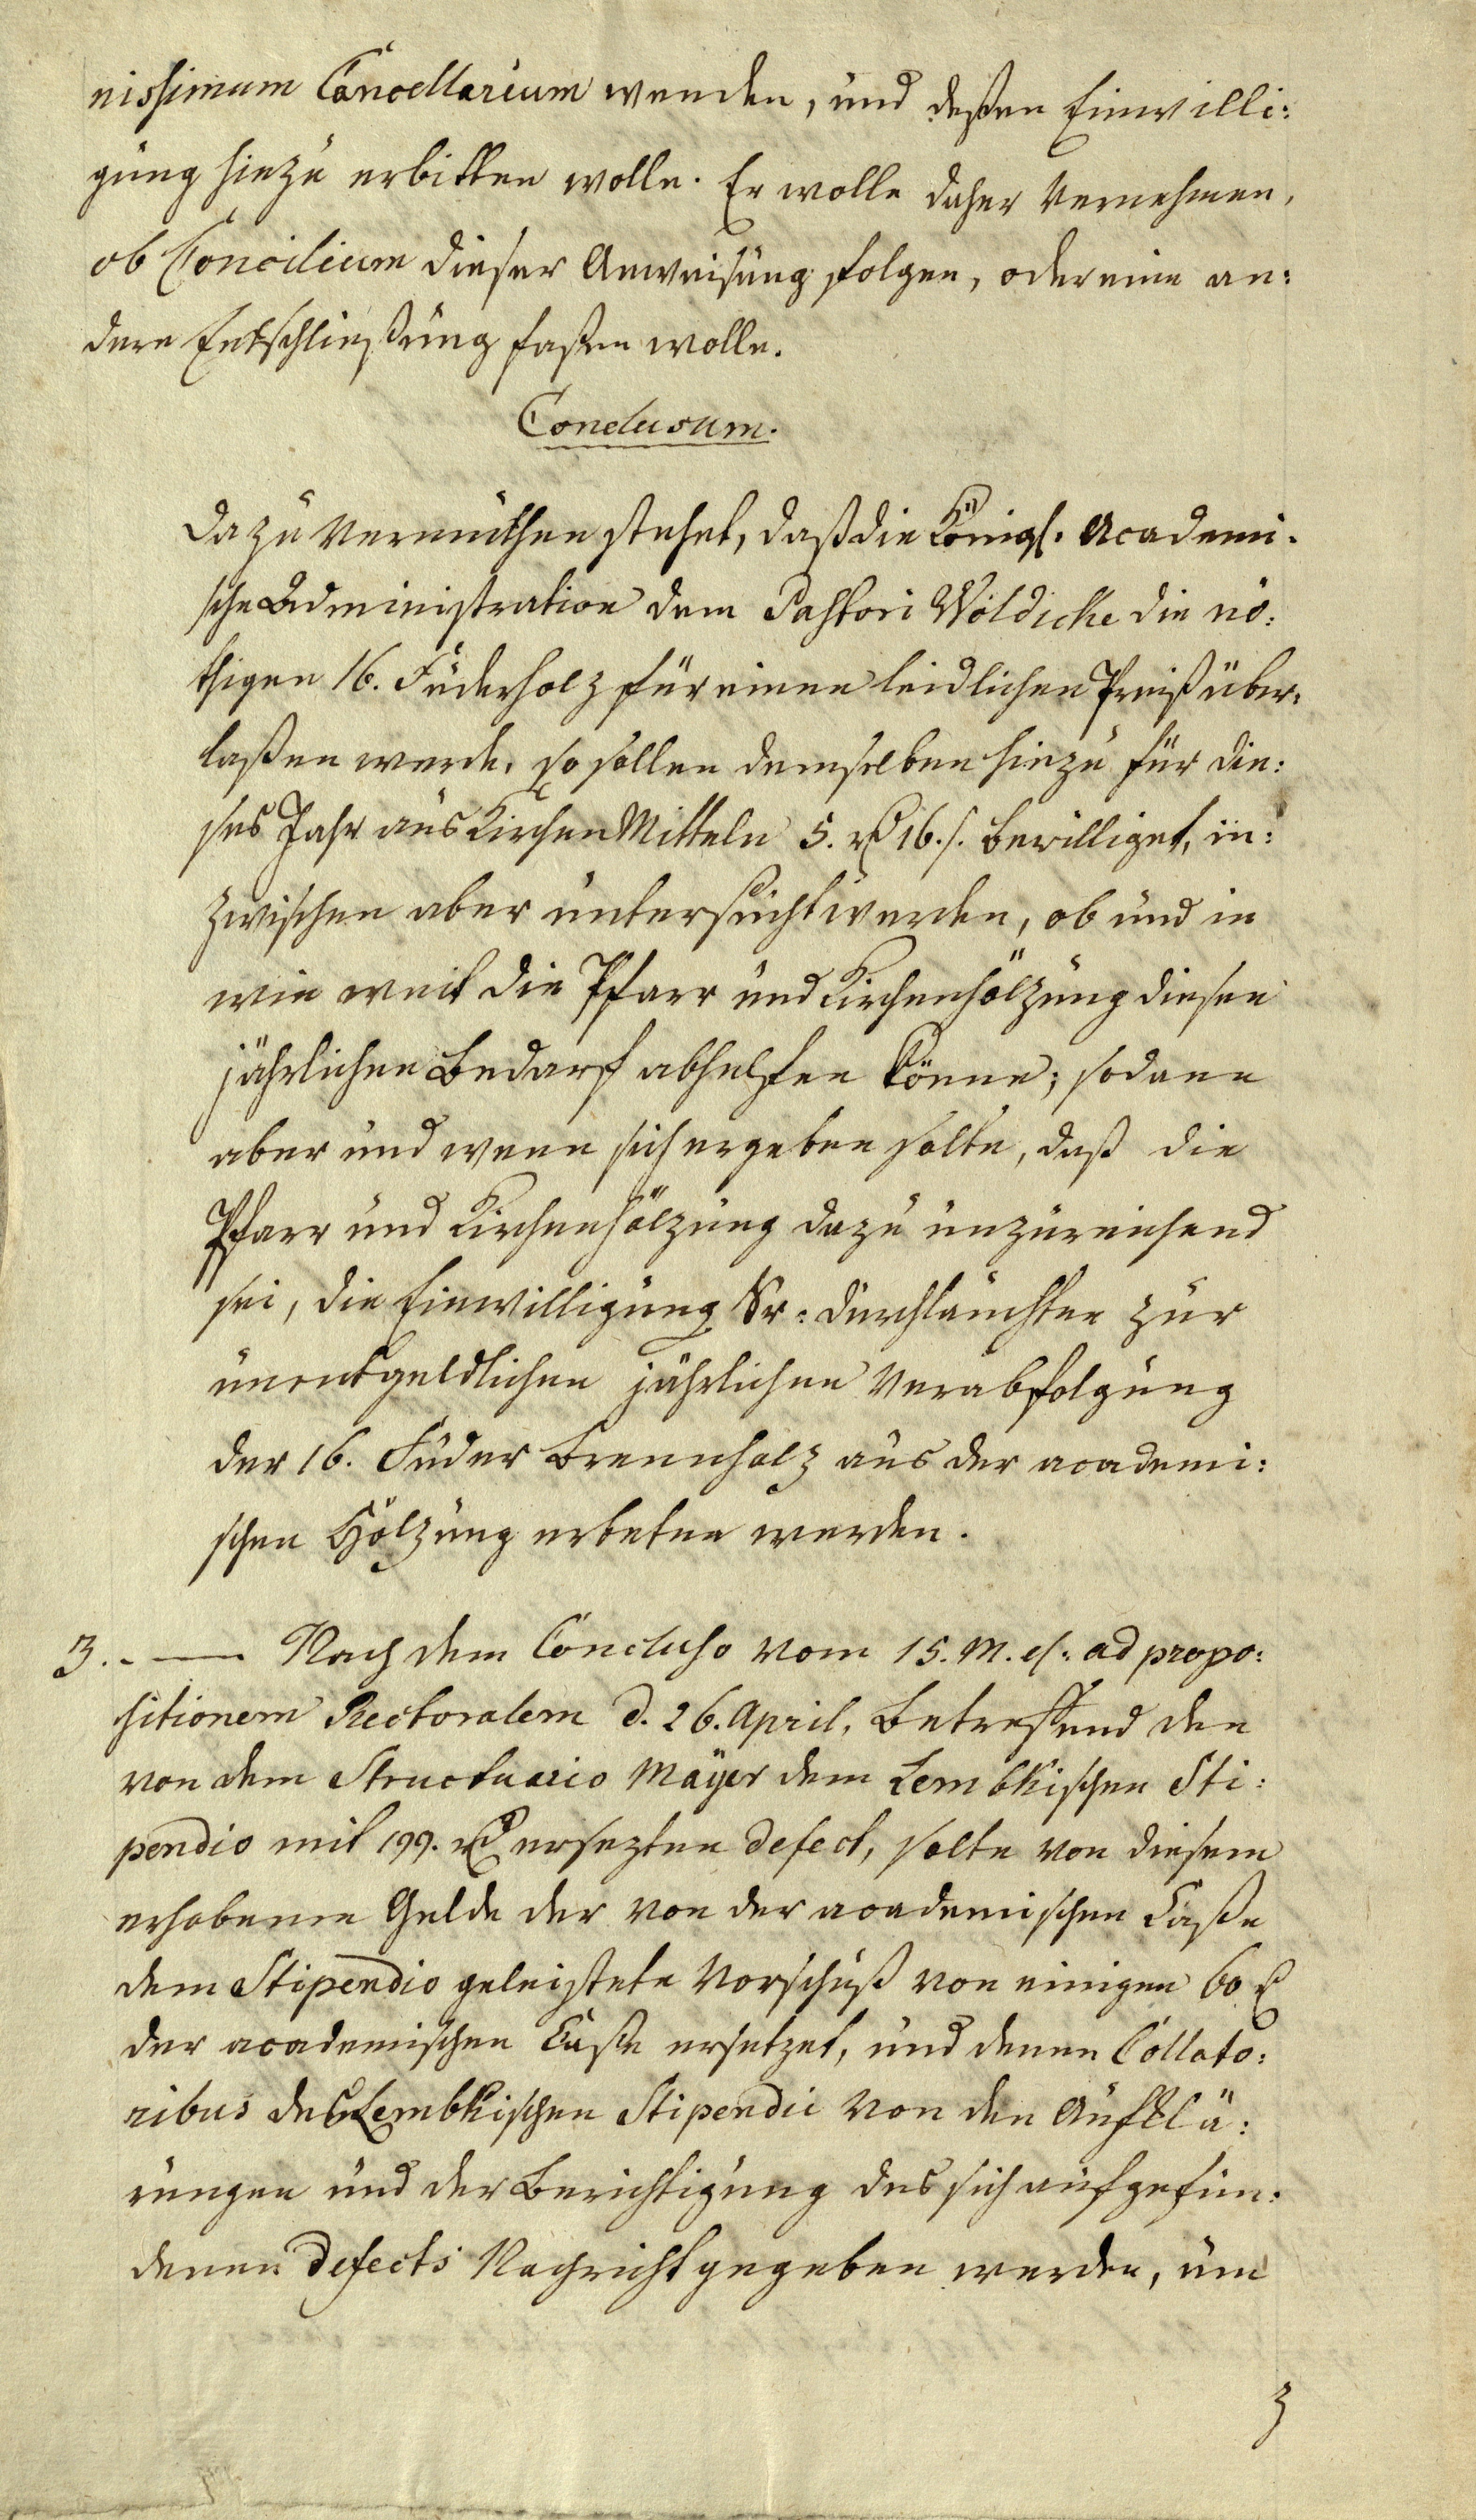nissimum Cancellarium wenden, und dessen Einwilli¬
gung hiezu erbitten wolle. Er wolle daher vernehmen,
ob Concilium dieser Anweisung folgen, oder eine an¬
dere Entschließung faßen wolle.
Conclusum
da zu vermuthen stehet, daß die Königl: academi¬
sche Administration dem Pastori Wöldicke die nö¬
thigen 16. Fuderholz für einen leidlichen Preiß über¬
laßen werde, so sollen demselben hiezu für die¬
ses Jahr aus Kirchen Mitteln 5. r 16.s. bewilliget, in¬
zwischen aber untersucht werden, ob und in
wie weit die Pfarr und Kirchenhölzung diesen
jährlichen Bedarf abhelfen könne; sodann
aber und wenn sich ergeben solte, daß die
Pfarr und Kirchenhölzung dazu unzureichend
sei, die Einwilligung Sr: Durchlauchten zur
unentgeldlichen jährlichen Verabfolgung
der 16. Fuder Brennholz aus der academi¬
schen Hölzung erbeten werden.
3. Nach dem Concluso vom 15. M. e. ad propo¬
sitionem Rectoratem d. 26. April. betreffend den
von dem Structuario Maÿer dem Lembkischen Sti¬
pendio mit 199 r. ersetzten defect, solte von diesem
erhobenen Gelde der von der academischen Caße
dem Stipendio geleistete Vorschuß von einigen 60 r.
der academischen Caße ersetzet, und denen Collato¬
ribus des Lembkischen Stipendii von den Aufklä¬
rungen und der Berichtigung des sich aufgefun¬
denen defects Nachricht gegeben werden, um